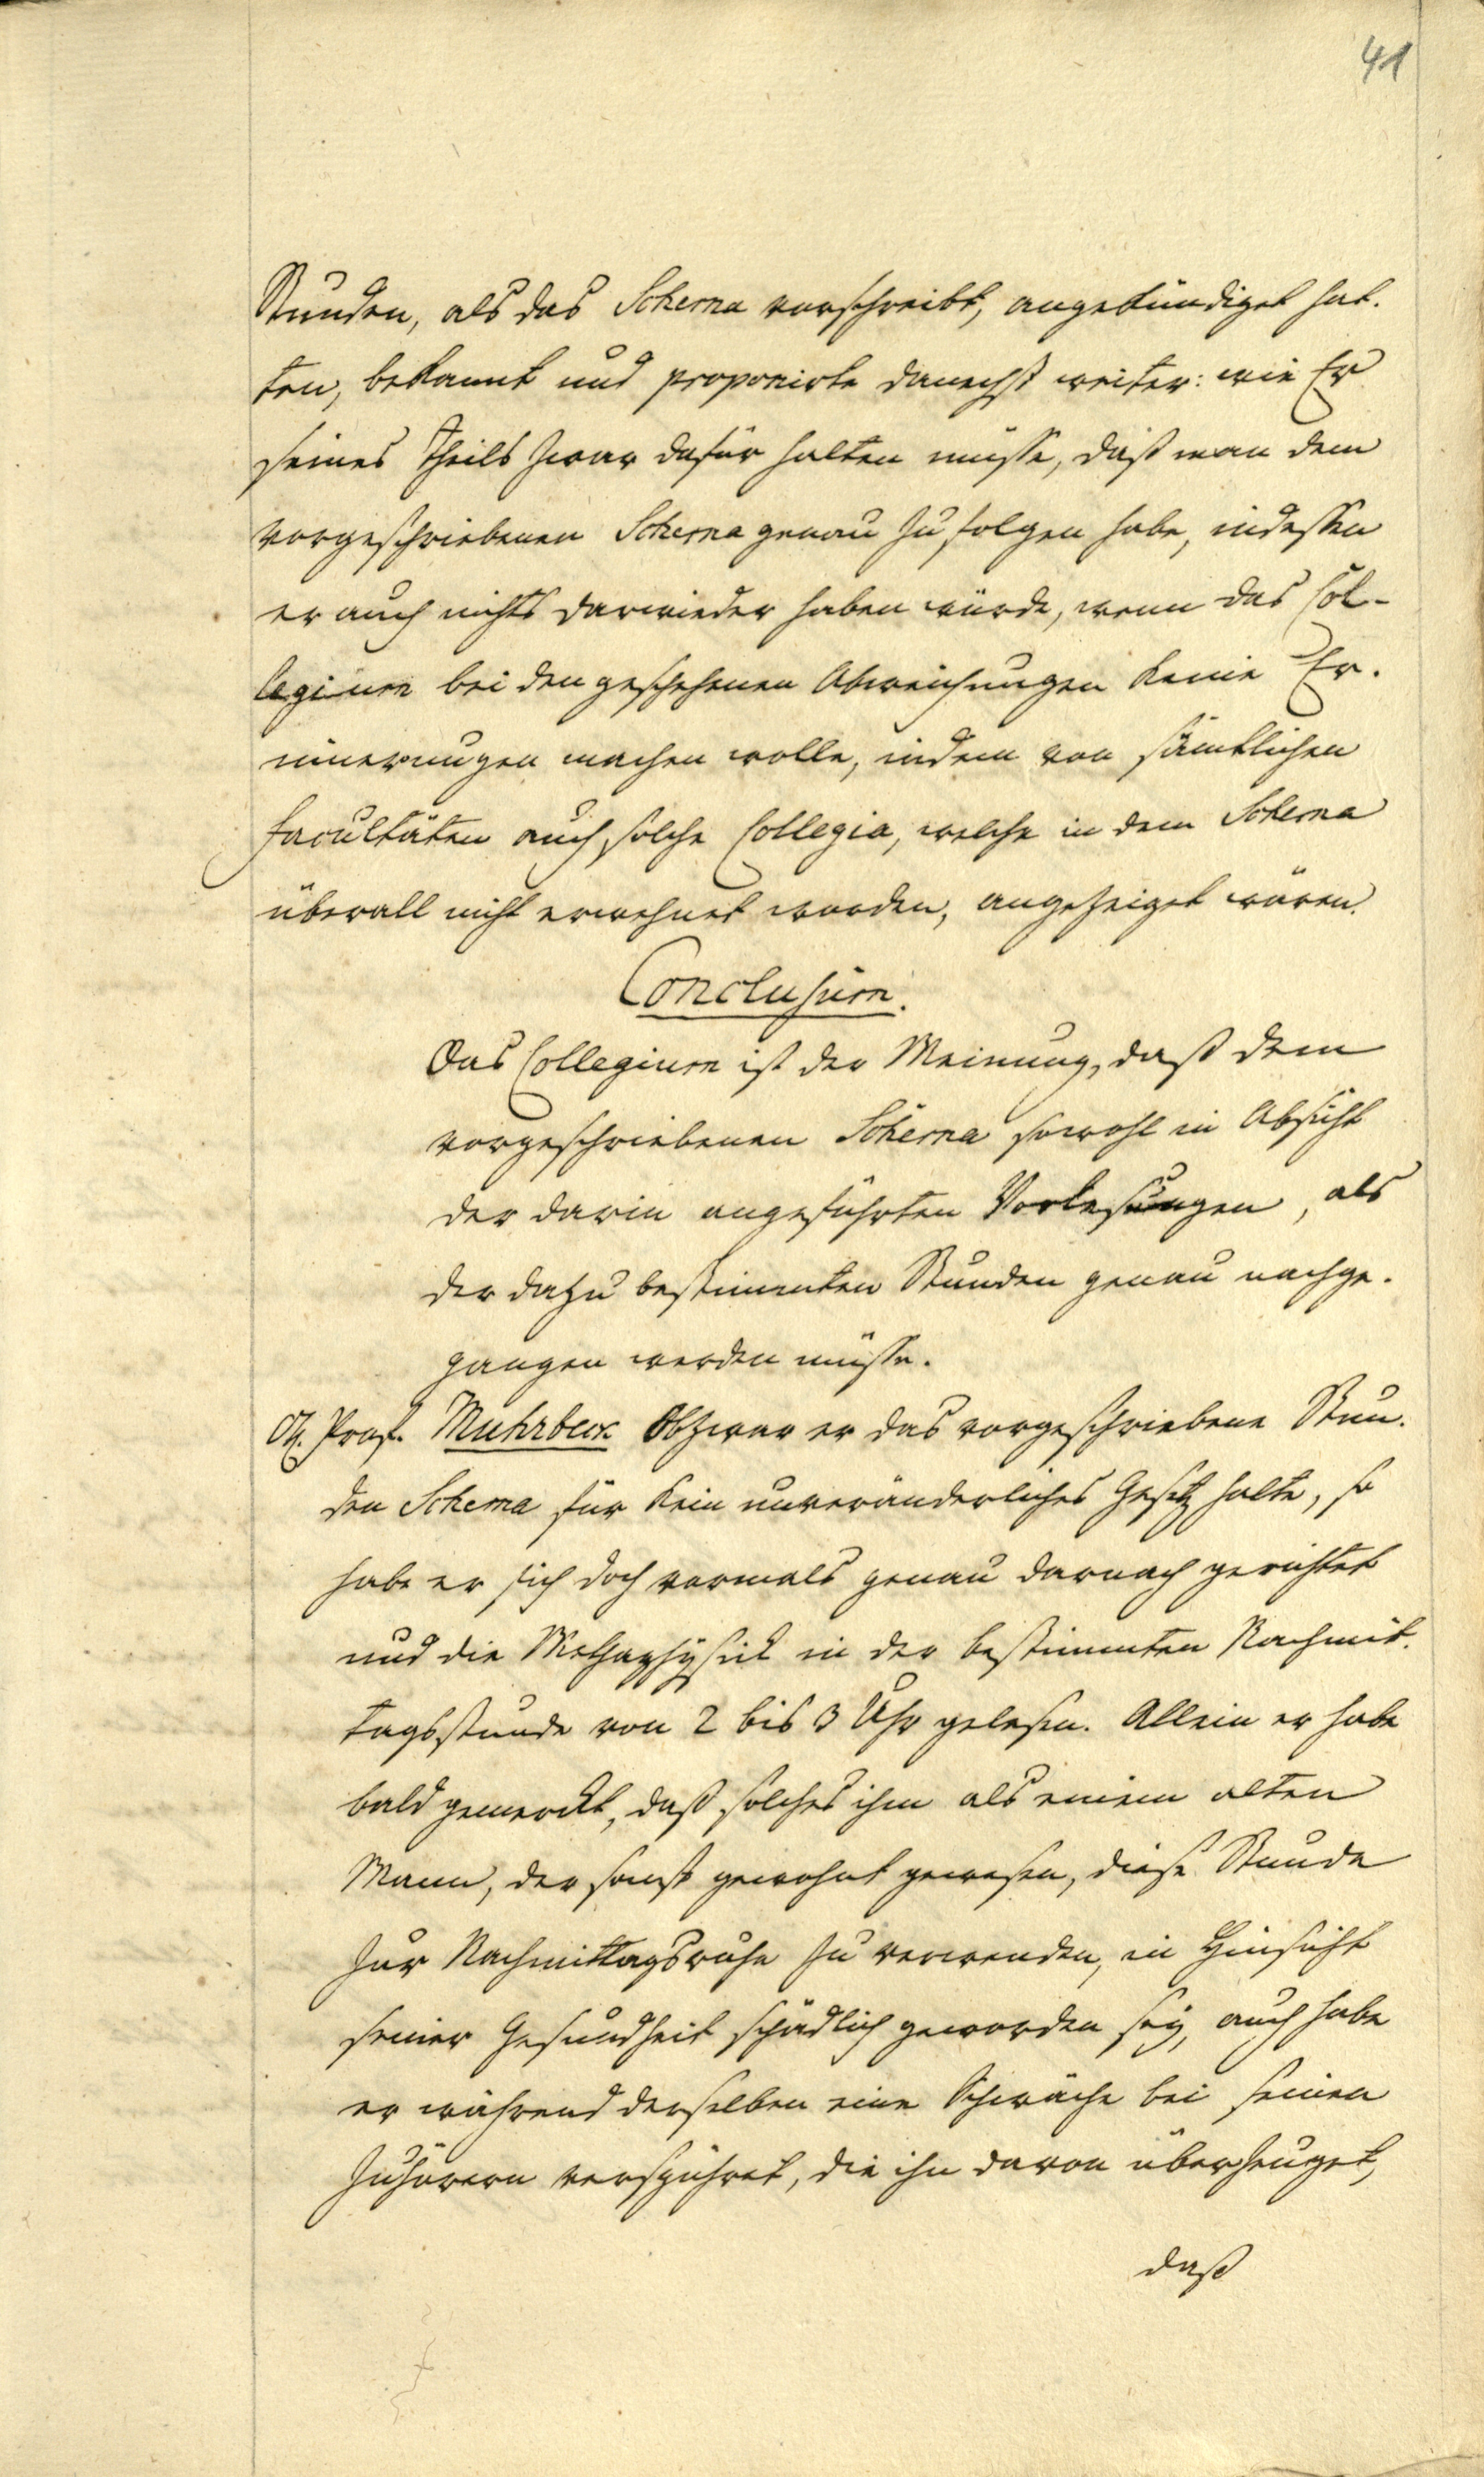Stunden, als das Schema vorschreibt, angekündiget hat¬
ten, bekannt und proponirte danechst weiter: wie Er
seines Theils zwar dafür halten müsse, daß man dem
vorgeschriebenen Schema genau zu folgen habe, indessen
er auch nichts darwieder haben würde, wenn das Col¬
legium bei den geschehenen Abweichungen keine Er¬
innerungen machen wolle, indem von sämtlichen
Facultäten auch solche Collegia, welche in dem Schema
überall nicht erwehnet worden, angezeiget wären.
Conclusum.
Das Collegium ist der Meinung, daß dem
vorgeschriebenen Schema sowohl in Absicht
der darin angeführten Vorlesungen, als
der dazu bestimmten Stunden genau nachge¬
gangen werden müsse.
dh. Prof. Muhrbeck Obzwar er das vorgeschriebene Stun¬
den Schema für kein unveränderliches Gesetz halte, so
habe er sich doch vormals genau darnach gerichtet
und die Methaphysick in der bestimmten Nachmit¬
tagsstunde von 2 bis 3 Uhr gelesen. Allein er habe
bald gemerckt, daß solches ihm als einem alten
Mann, der sonst gewohnt gewesen, diese Stunde
zur Nachmittagsruhe zu verwenden, in Hinsicht
seiner Gesundheit schädlich geworden seÿ, auch habe
er während derselben eine Schwäche bei seinen
Zuhörern verspühret, die ihn davon überzeuget,
daß